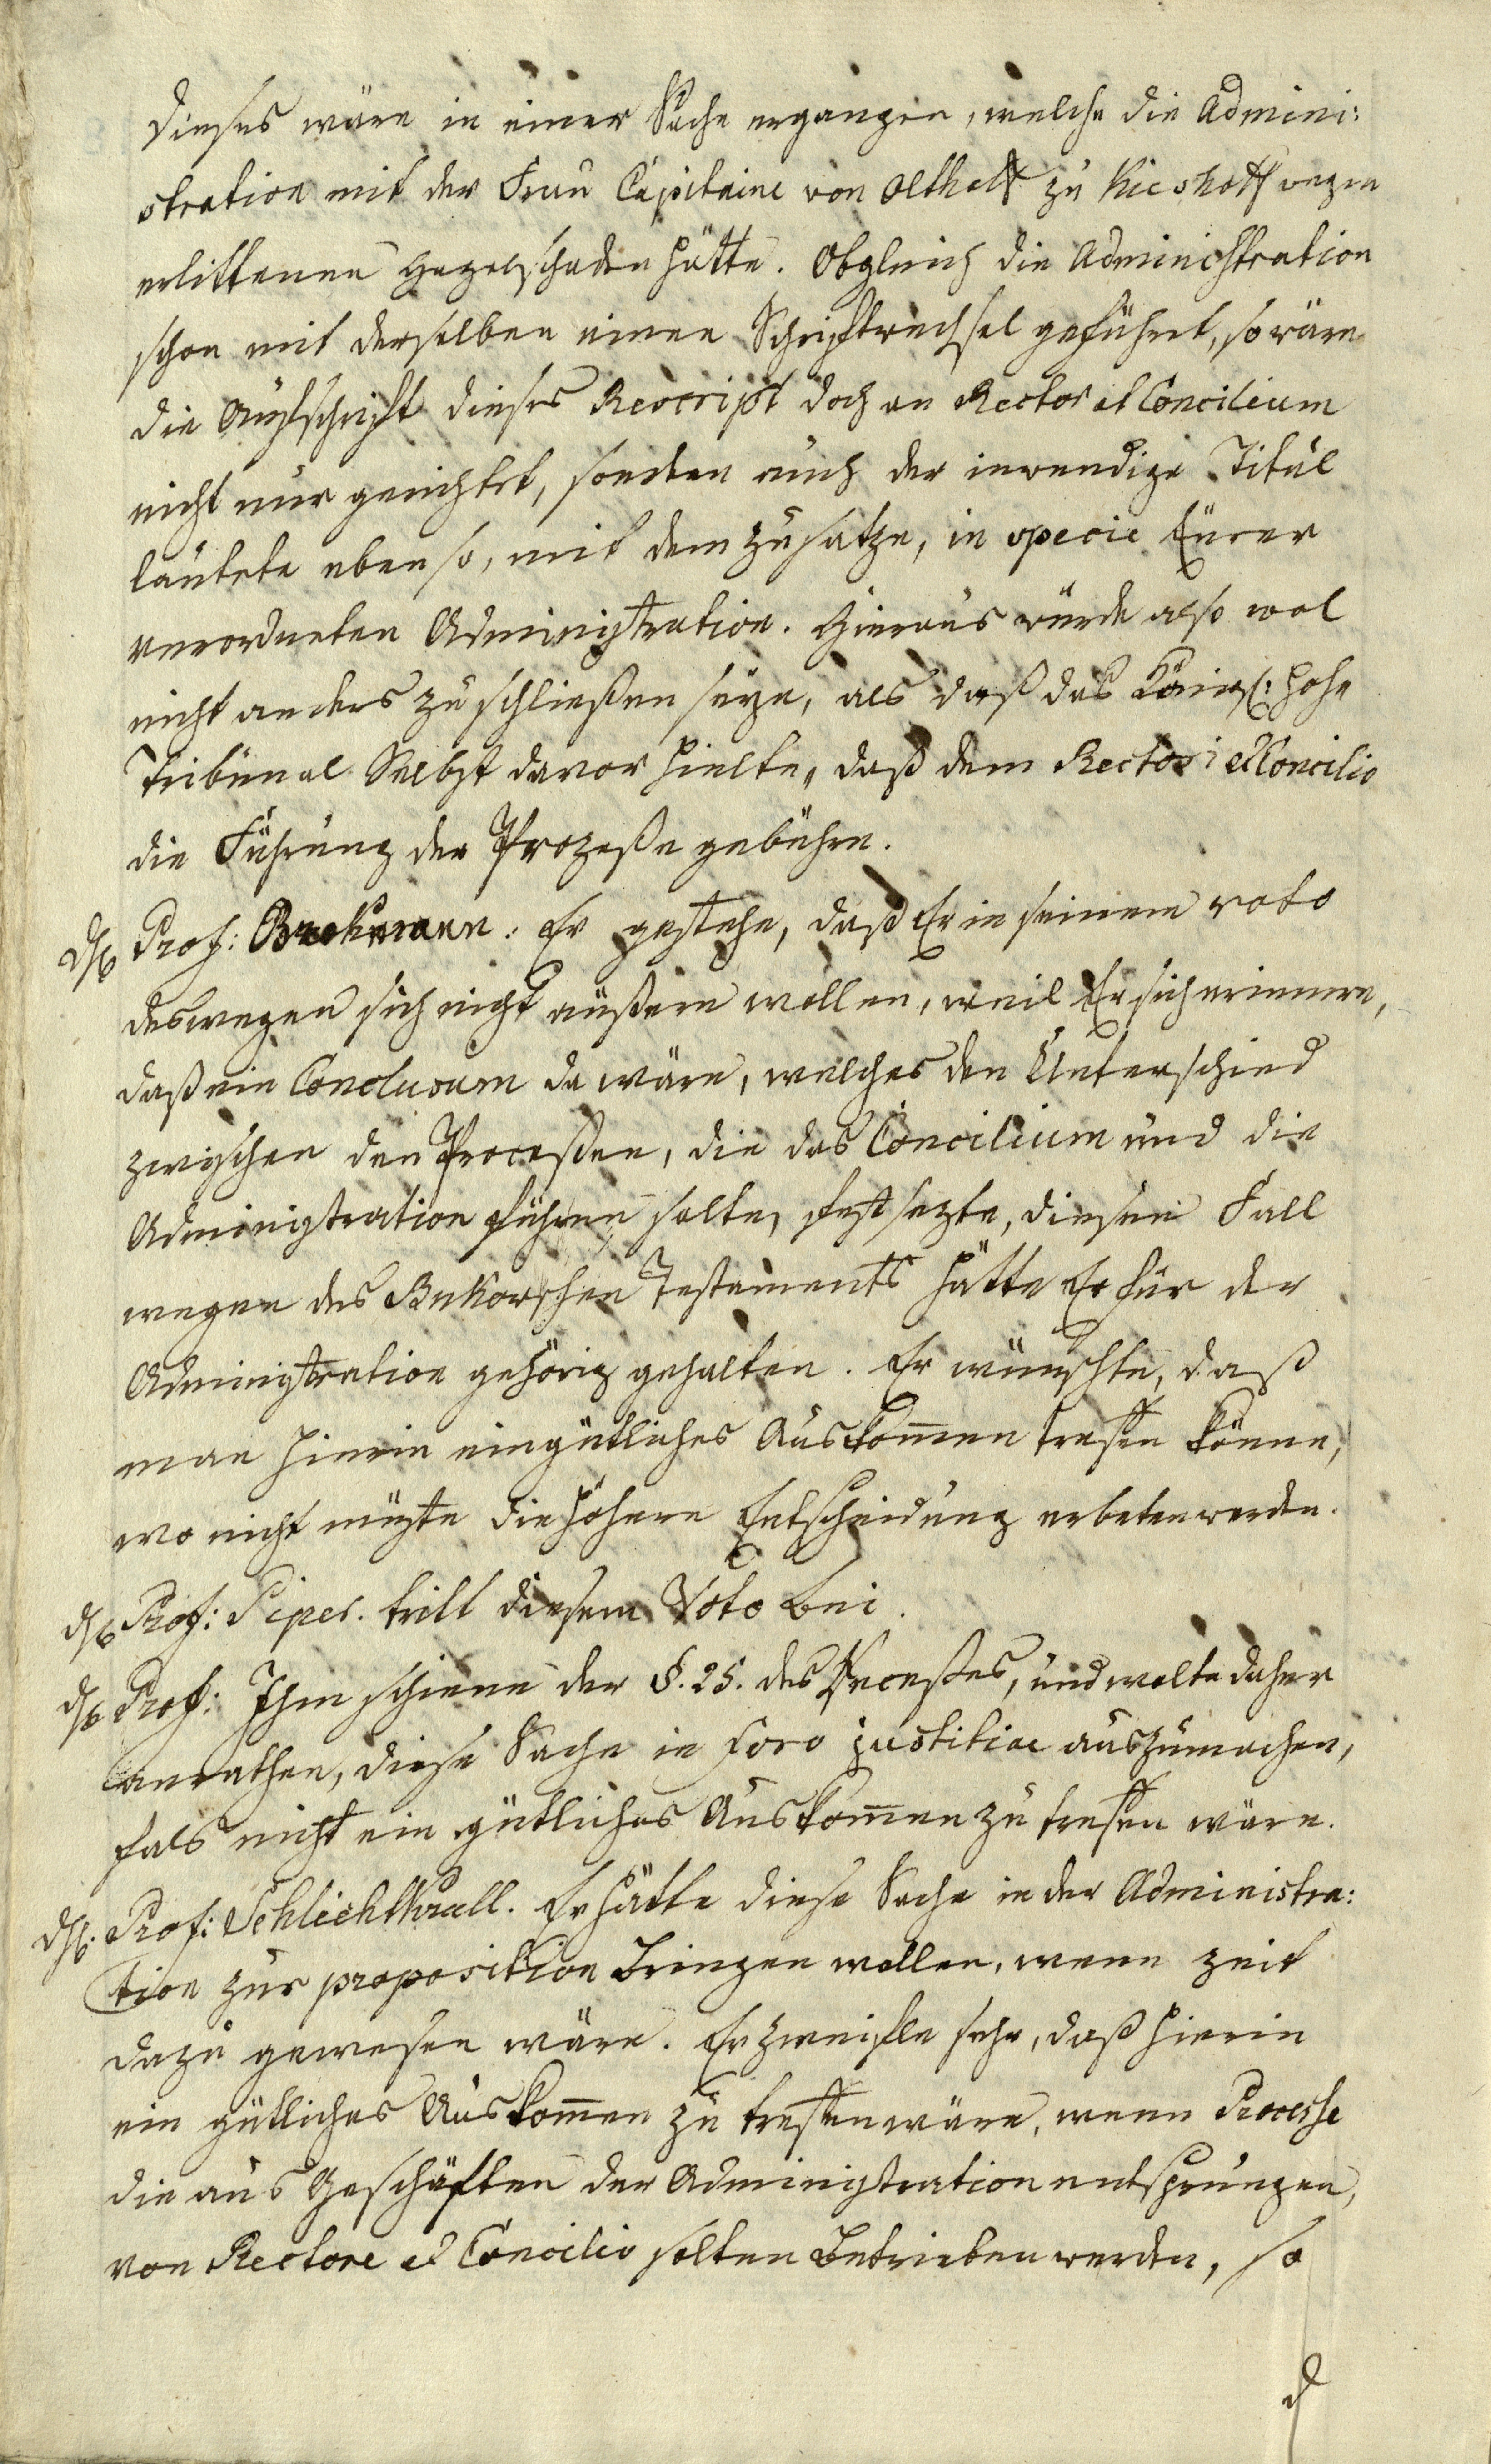dieses wäre in einer Sache ergangen, welche die Admini¬
stration mit der Frau Capitaine von Olthoff zu Kieshoff wegen
erlittenen Hagelschaden hätte. Obgleich die Administration
schon mit derselben einen Schriftwechsel geführet, so wäre
die Aufschrift dieses Rescript doch an Rector et Concilium
nicht nur gerichtet, sondern auch der inwendige Titul
lautete eben so, mit dem Zusatze, in specie Eurer
verordneten Administration. Hieraus würde also wol
nicht anders zu schließen seÿn, als daß das Königl. hohe
Tribunal Selbst davor hielte, daß dem Rectori et Concilio
die Führung der Prozeße gebühre.
dh Prof. Brokamnn: Er gestehe, daß Er in seinem voto
deswegen sich nicht äußern wollen, weil Er sich erinnere,
daß ein Conclusum da wäre, welches den Unterschied
zwischen den Proceßen, die das Concilium und die
Administration führen solte, fest sezte, diesen Fall
wegen des Bukowschen Testaments hätte Er für der
Administration gehörig gehalten. Er wünschte, daß
man hierin ein gütliches Auskomen treffen könne,
wo nicht müste die höhere Entscheidung erbeten werden.
dh Prof. Piper. tritt diesem voto bei.
dh Prof. Ihm schiene der § 25. des Receßes, und wolte daher
anrathen, diese Sache in Foro justitiae auszumachen,
fals nicht ein gütliches Auskomen zu treffen wäre.
dh Prof. Schlichtkrull. Er hätte diese Sache in der Administra¬
tion zur proposition bringen wollen, wenn zeit
dazu gewesen wäre. Er zweifle sehr, daß hierin
ein gütliches Auskomen zu treffen wäre, wenn Processe
die aus Geschäften der Administration entsprungen,
von Rectore et Concilio solten betrieben werden, so